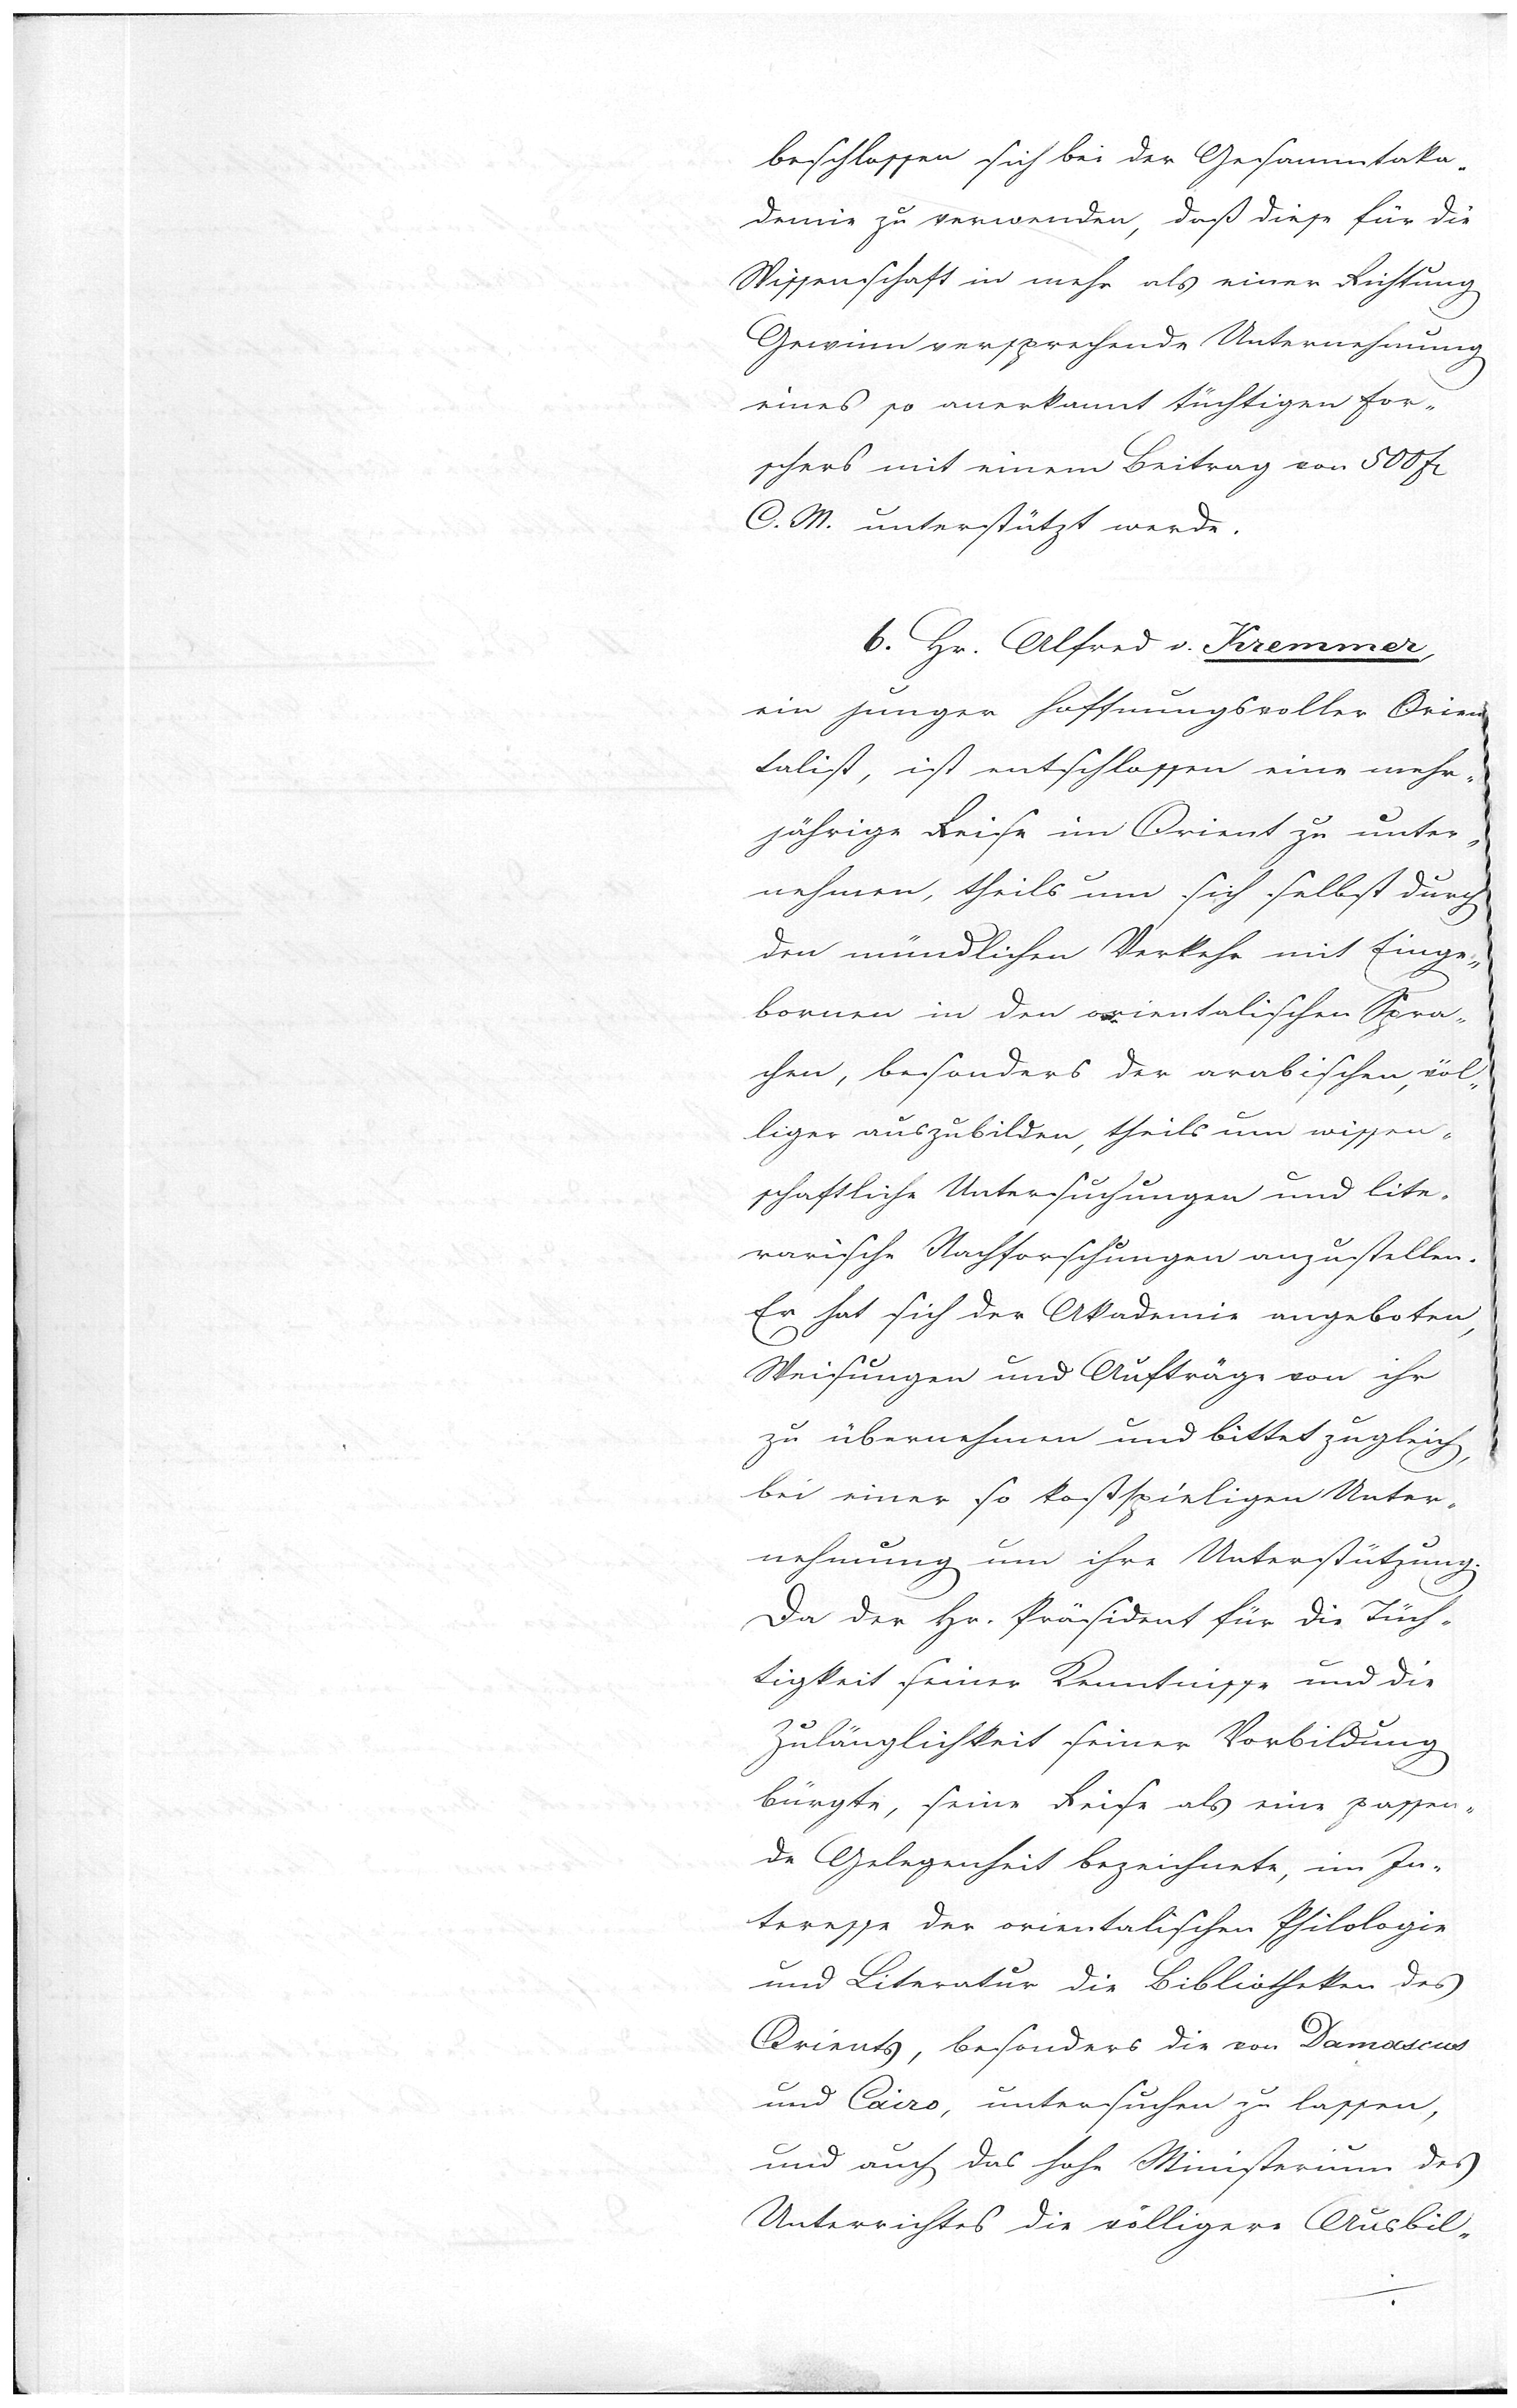beschlossen sich bei der Gesamtaka-
demie zu verwenden, daß diese für die
Wissenschaft in mehr als einer Richtung
Gewinn versprechende Unternehmung
eines so anerkannt tüchtigen For-
schers mit einem Beitrag von 500 fl.
C.M. unterstützt werde.
b. Hr. Alfred v. Kremmer
ein jungen hoffnungsvoller Orien-
talist, ist entschlossen eine mehr-
jährige Reise im Orient zu unter-
nehmen, theils und sich selbst durch
den mündlichen Verkehr mit Einge-
bornen in den orientalischen Spra-
chen, besonders der arabischen völ-
liger auszubilden, theils um wissen-
schaftliche Untersuchungen und lite-
rarische Nachforschungen anzustellen.
Er hat sich der Akademie angeboten,
Weisungen und Aufträge von ihr
zu übernehmen und bittet zugleich,
bei einer so kostspieligen Unter-
nehmung um ihre Unterstützung.
Da der Hr. Präsident für die Tüch-
tigkeit seiner Kenntnisse und die
Zulänglichkeit seiner Vorbildung
bürgte, seine Reise als eine passen-
de Gelegenheit bezeichnete, im In-
teresse der orientalischen Philologie
und Literatur die Bibliotheken des
Orient, besonders die von Damascus
und Cairo, untersuchen zu lassen,
und auch das hohe Ministerium des
Unterrichtes die völligere Ausbil-